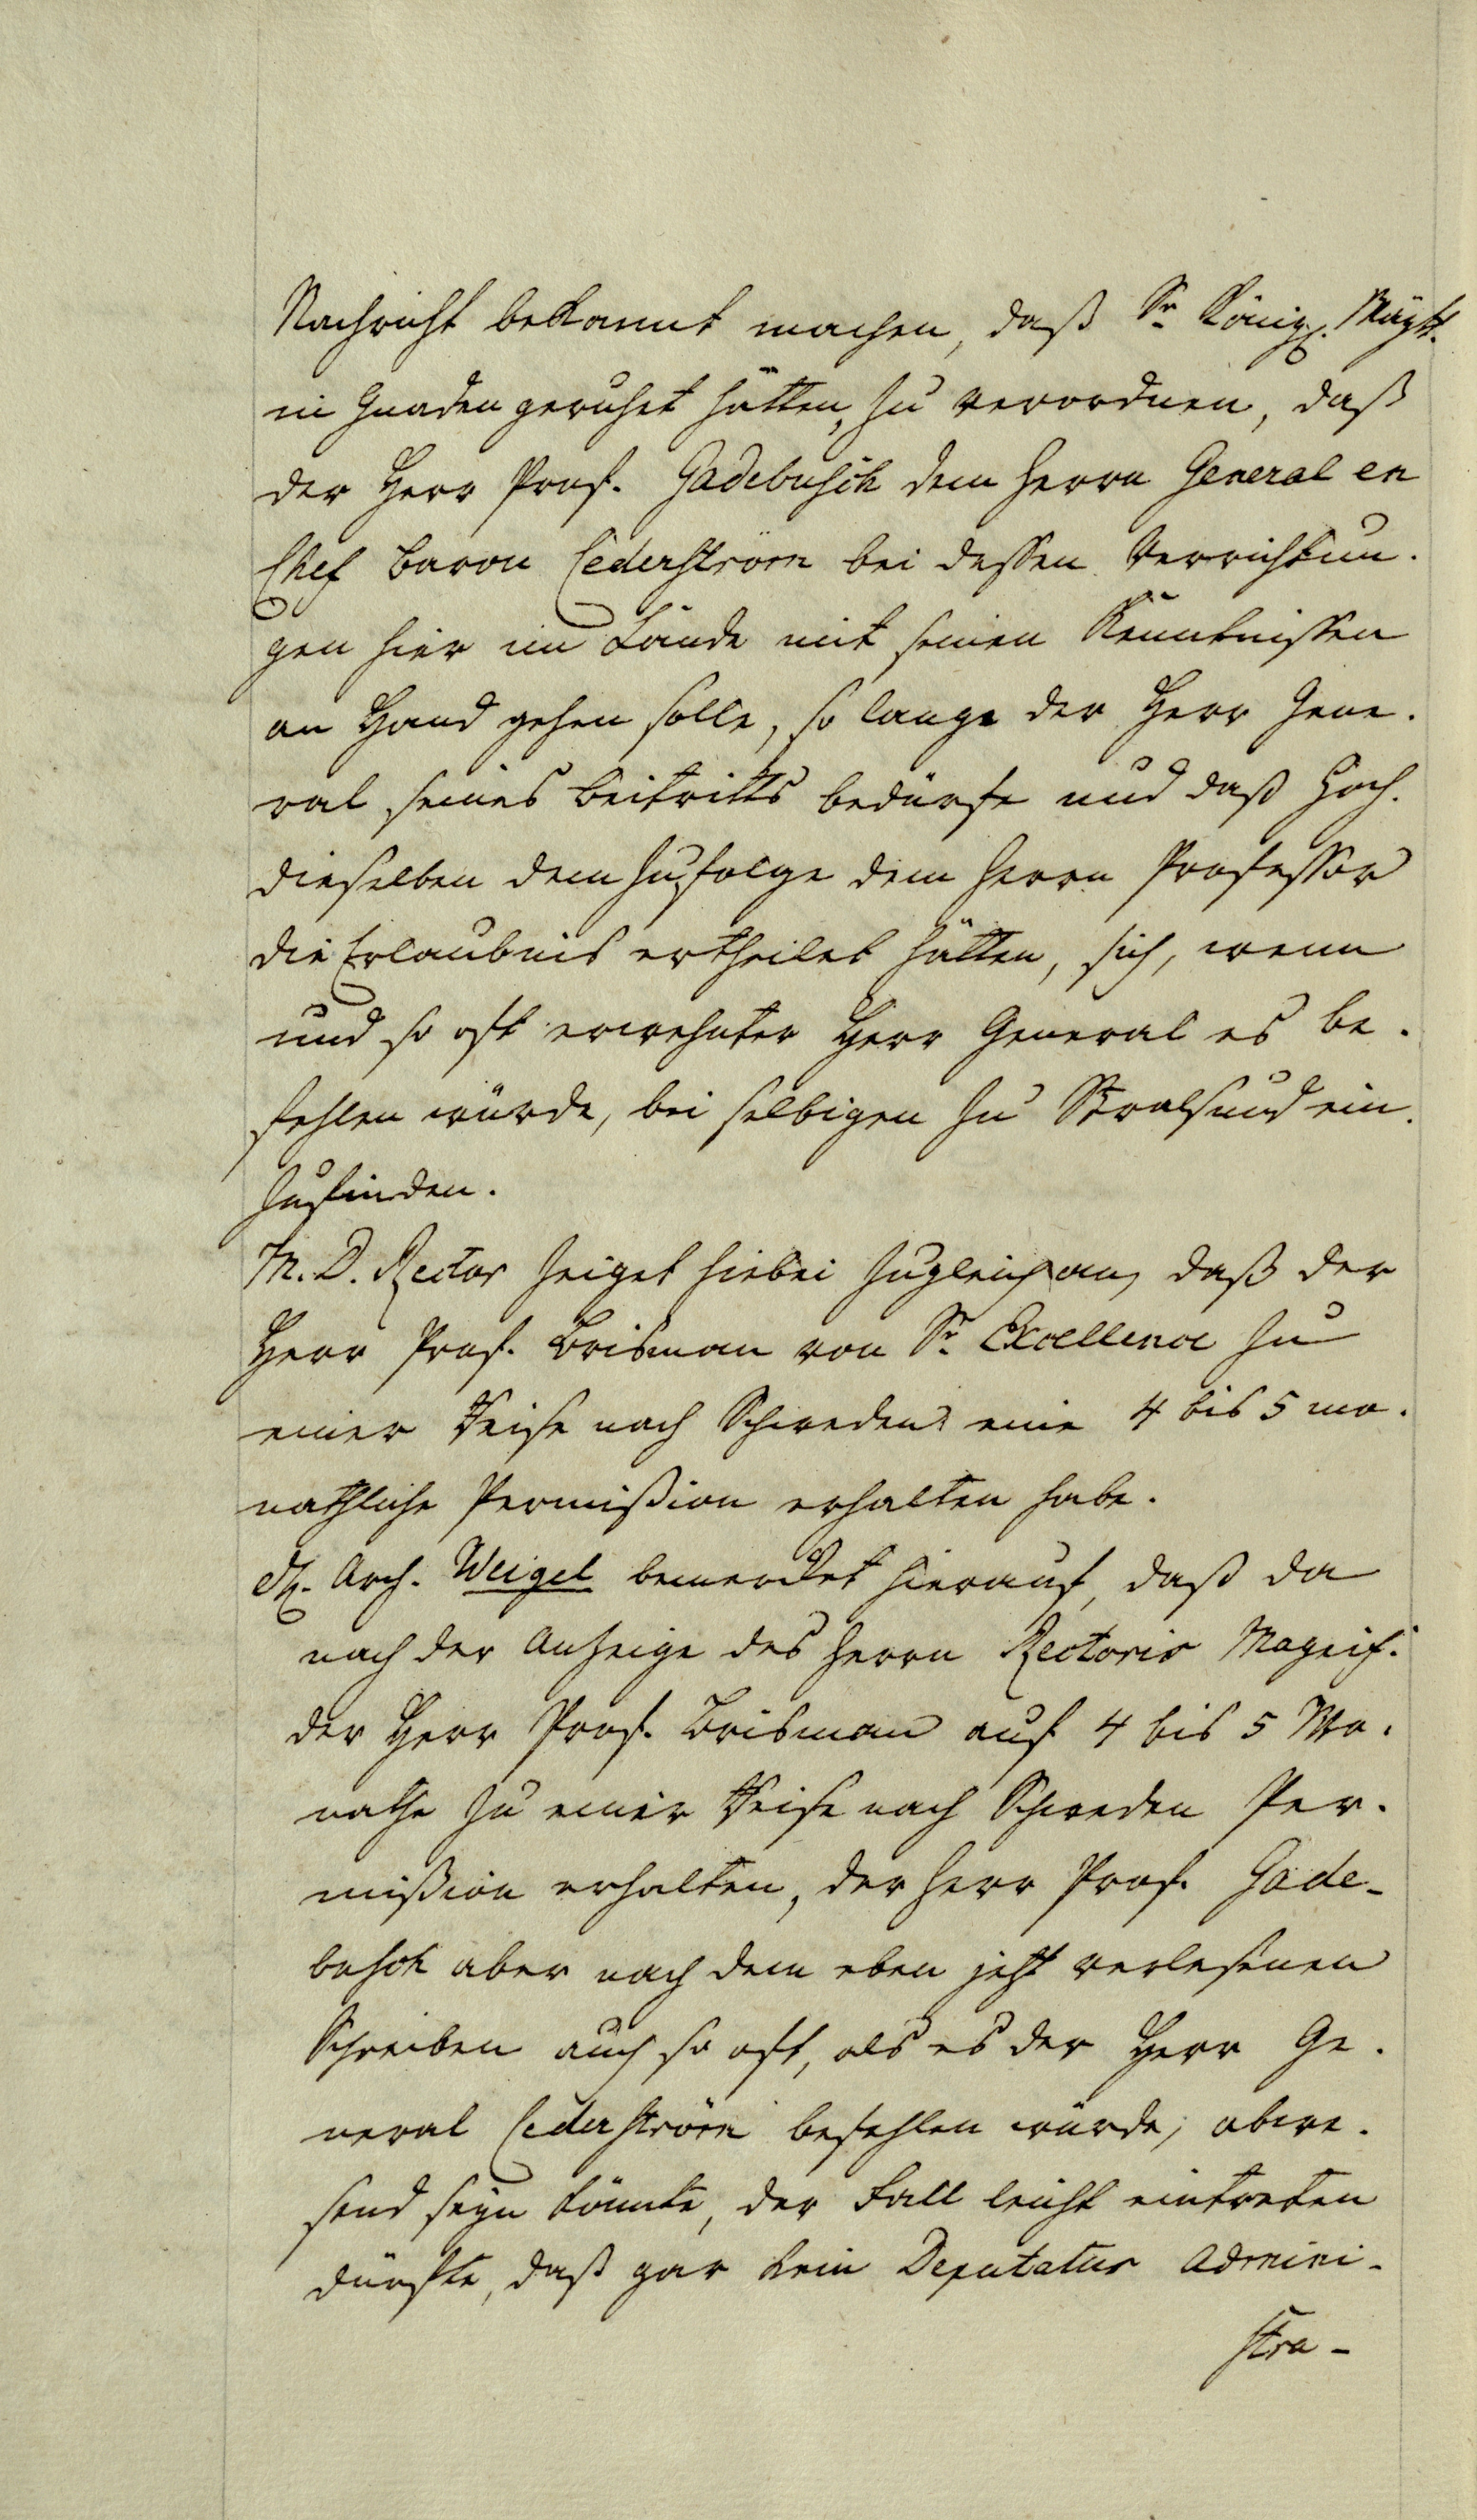Nachricht bekannt machen, daß Sr Königl. Maÿtt.
in Gnaden geruhet hätten, zu verordnen, daß
der Herr Prof. Gadebusch dem Herrn General en
Chef Baron Cederström bei dessen Verrichtun¬
gen hier im Lande mit seinen Kenntnissen
an Hand gehen solle, so lange der Herr Gene¬
ral seines Beitritts bedürfe und daß Hoch¬
dieselben dem zufolge dem Herrn Professor
die Erlaubnis ertheilet hätten, sich, wenn
und so oft erwehnten Herr General es be¬
fehlen würde, bei selbigen zu Stralsund ein¬
zufinden.
M. D. Rector zeiget hiebei zugleich an, daß der
Herr Prof. Brisman von Sr Excellence zu
einer Reise nach Schweden eine 4 bis 5 mo
nathliche Permißion erhalten habe.
dh. Prof. Weigel bemercket hierauf, daß da
nach der Anzeige des Herrn Rectoris Magnif.
der Herr Prof. Brisman auf 4 bis 5 Mo¬
nathe zu einer Reise nach Schweden Per¬
mißion erhalten, der Herr Prof. Gade¬
busch aber nach dem eben jetzt verlesenen
Schreiben auch so oft, als es der Herr Ge¬
neral Cederström befehlen würde, abwe¬
send seÿn könnte, der Fall leicht eintreten
dürfte, daß gar kein Deputatus Admini¬
stra¬